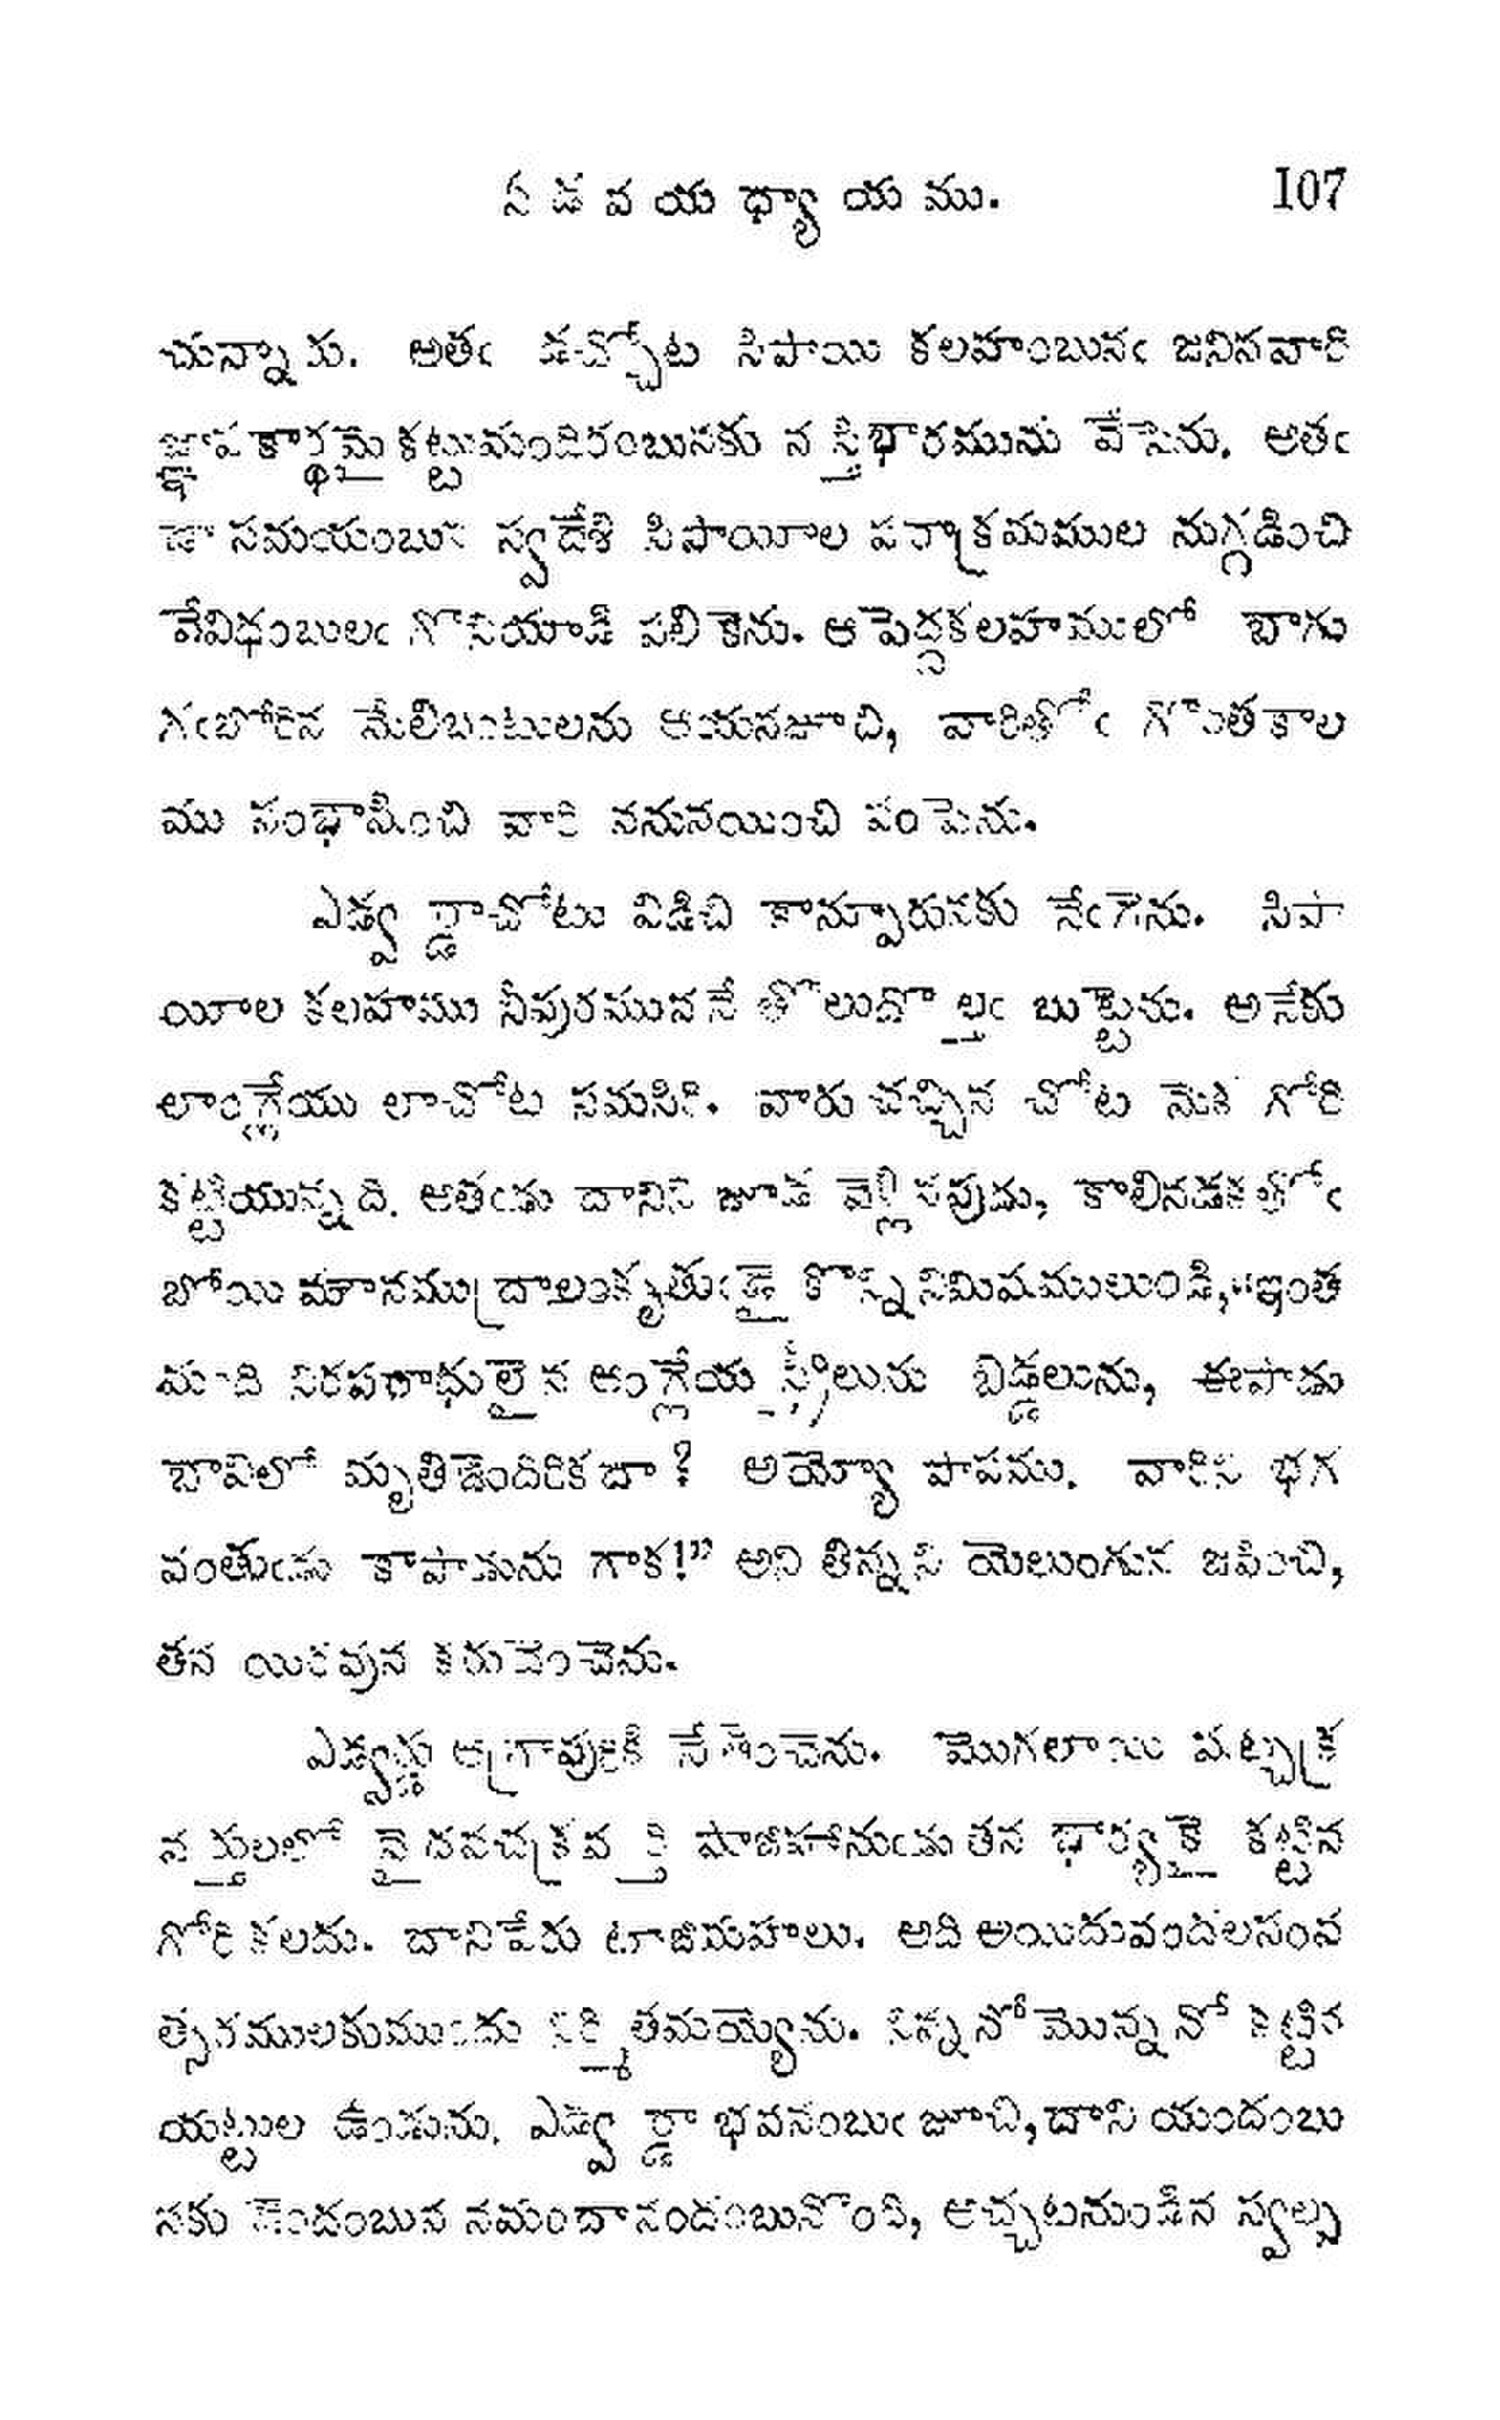చున్నారు. అతఁ డచ్చోట సీపాయి కలహంబునఁ జనినవారి గ్నావ కార్దమై కట్టు మందిరంబునకు నస్తి భారమును 'వేసెను. అత డాసమయంబు స్వదేశి సిపాయీల పరాక్రమముల నుగ్గడించి నేవిధంబుల గొనియాడి పలికెను. ఆ పెద్ద కలహములో బాగు గ బోరిన మేలిబుటులను ఆయనజూచి, వారితో కొంత కాల ము సంభాషించి వారి ననునయించి పంపెను.

ఎడ్వర్డాచోటు విడిచి కాన్పూరుసకు నేఁగెను. సిపా యీల కలహము నీపురముననే తొలుదొల్త బుట్టెను. అనేకు లాంగ్లేయు లాచోట సమసిరి. వారు చచ్చిన చోటనే గోరి కట్టియున్నది. అతఁడు దానిని జూడ వెళ్లి నపుడు, కాలినడక బోయి మౌనముద్రాలంకృతు డై కొన్ని నిమిషములుండి, ఇంత మందీ నిరపరాధులైన ఆంగ్లేయ స్త్రీలును బిడ్డలును, ఈపాడు బావిలో మృతి చెందిరి కదా ? అయ్యో పాపము. నా భగ వంతుడు కాపాడును గాక! అని అన్న యెలుంగున జపించి, తన యిడువున కరుమంచెను.

ఎడ్వర్డు ఆ గ్రాపురికి నేతెంచెను. 'మొగలాలు పట్చక్ర వర్తులలో నైదవ చక్రవర్తి షాజహానుఁడు తన భార్యకై కట్టిన గోరి కలదు. దాని పేరు టాజిమహలు, అది అయిదువందలసంన త్సరములకుముందు నిర్మితమయ్యేను. నిన్ననో మొన్ననో కట్టిన యట్టుల ఉండును, ఎడ్వర్డా భవనంబుఁ జూచి, దాని యందంబు సకు డెందంబున నమందానంద బునొంది, అచ్చటనుండిన స్వల్ప